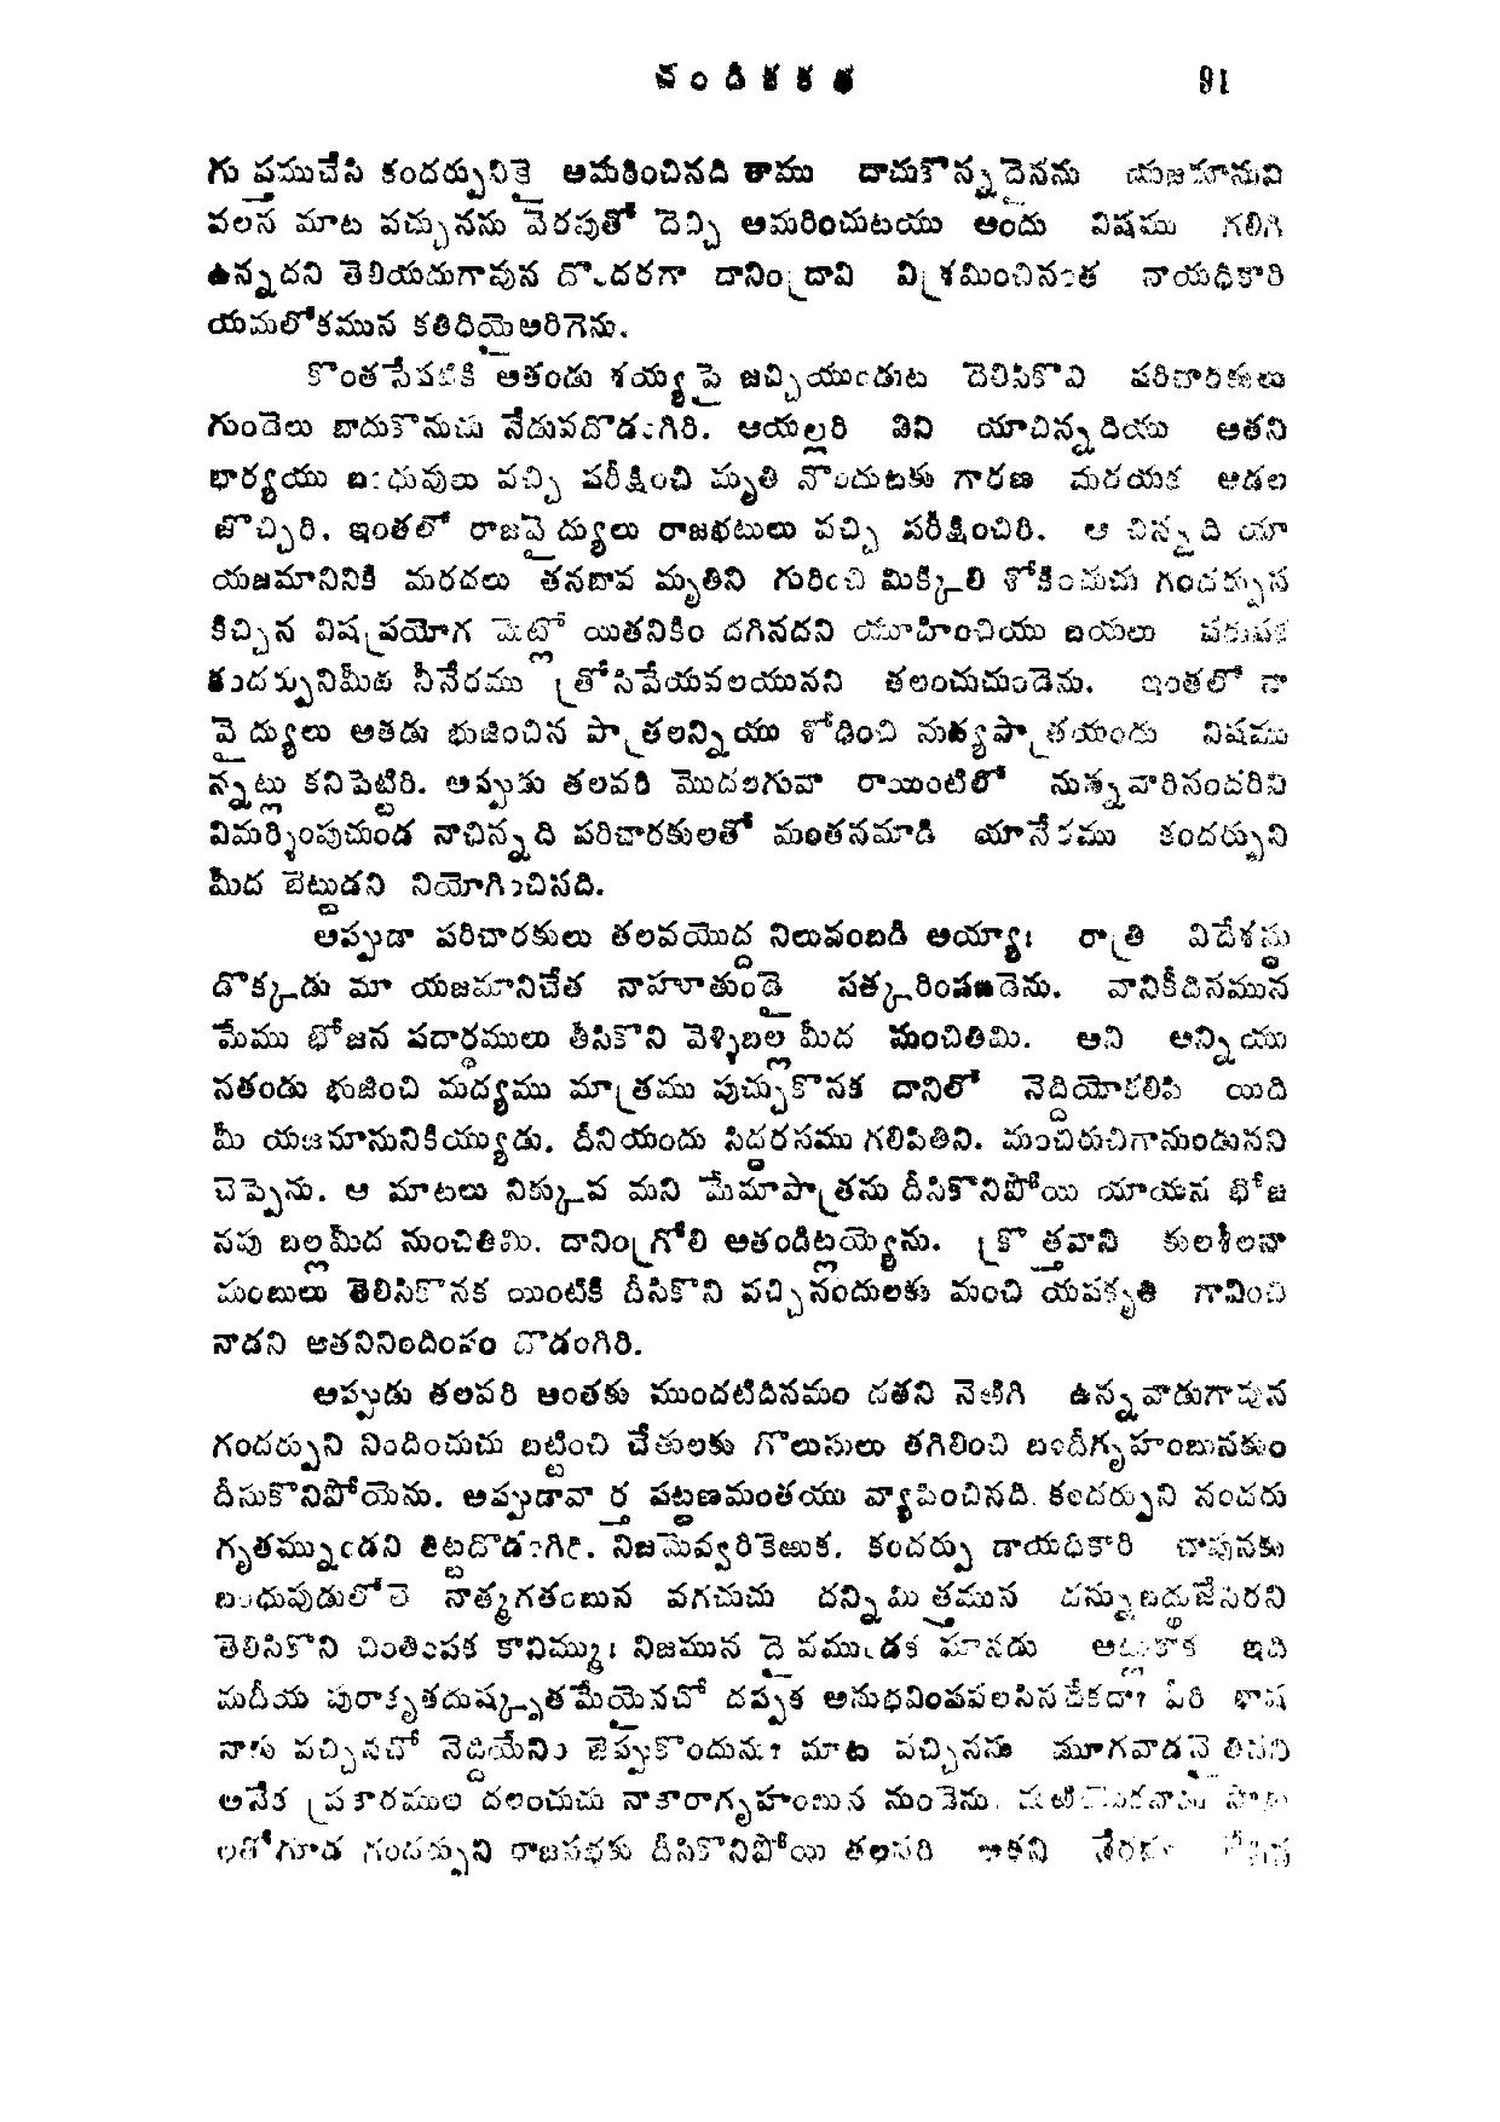గుప్తముచేసి కందర్పునికై అమరించినది తాము దాచుకొన్న దైనను యజమానుని వలన మాట వచ్చునను వెరపుతో దెచ్చి అమరించుటయు అందు విషము గలిగి ఉన్నదని తెలియదుగావున దొందరగా దానింద్రావి విశ్రమించినంత నాయధికారి యమలోకమున కతిథియై అరిగెను.

కొంతసేపటికి అతండు శయ్య పై జచ్చియుండుట దెలిసికొని పరిచారకులు గుండెలు బాదుకొనుచు నేడువదొడంగిరి. ఆయల్లరి విని యాచిన్నదియు ఆతని భార్యయు బంధువులు వచ్చి పరీక్షించి మృతి నొందుటకు గారణ మరయక అడలజొచ్చిరి. ఇంతలో రాజవైద్యులు రాజభటులు వచ్చి పరీక్షించిరి. ఆ చిన్నది యా యజమానినికి మరదలు తనబావ మృతిని గురించి మిక్కిలి శోకించుచు గందర్పున కిచ్చిన విషప్రయోగ మెట్లో యితనికిం దగినదని యూహించియు బయలు పరుపక కందర్పునిమీద నీనేరము త్రోసివేయవలయునని తలంచుచుండెను. ఇంతలో నా వైద్యులు అతడు భుజించిన పాత్రలన్నియు శోధించి మద్యపాత్రయందు విషమున్నట్లు కనిపెట్టిరి. అప్పుడు తలవరి మొదలగువా రాయింటిలో నున్నవారినందరిని విమర్శింపుచుండ నాచిన్నది పరిచారకులతో మంతనమాడి యానేరము కందర్పుని మీద బెట్టుడని నియోగించినది.

అప్పుడా పరిచారకులు తలవరియొద్ద నిలువంబడి అయ్యా! రాత్రి విదేశస్థు డొక్కడు మా యజమానిచేత నాహూతుండై సత్కరింపబడెను. వానికీదినమున మేము భోజన పదార్ధములు తీసికొని వెళ్ళి బల్లమీద నుంచితిమి. అవి అన్నియు నతండు భుజించి మద్యము మాత్రము పుచ్చుకొనక దానిలో నెద్దియోకలిపి యిది మీ యజమానుని కియ్యుడు. దీనియందు సిద్ధరసము గలిపితిని. మంచిరుచిగా నుండునని చెప్పెను. ఆ మాటలు నిక్కువ మని మేమాపాత్రను దీసికొనిపోయి యాయన భోజనపు బల్లమీద నుంచితిమి. దానింగ్రోలి అతండిట్లయ్యెను. క్రొత్తవాని కులశీలనామంబులు తెలిసికొనక యింటికి దీసికొని వచ్చినందులకు మంచి యపకృతి గావించినాడని ఆతని నిందింపం దొడంగిరి.

అప్పుడు తలవరి అంతకు ముందటిదినమం దతని నెఱగి ఉన్నవాడుగావున గందర్పుని నిందించుచు బట్టించి చేతులకు గొలుసులు తగిలించి బందీగృహంబునకుం దీసుకొనిపోయెను. అప్పుడావార్త పట్టణమంతయు వ్యాపించినది. కందర్పుని నందరు గృతఘ్నుండని తిట్టదొడంగిరి. నిజ మెవ్వరి కెఱుక. కందర్పు డాయధికారి చావునకు బంధువుడులోలె నాత్మగతంబున వగచుచు దన్నిమిత్తమున దన్నుబద్దుజేసిరని తెలిసికొని చింతింపక కానిమ్ము! నిజమున దైవముండక మానడు అట్లుకాక ఇది మదీయ పురాకృతదుష్కృతమే యైనచో దప్పక అనుభవింపపలసినదేకదా? వీరి భాష నాకు వచ్చినచో నెద్దియేనిం జెప్పుకొందును? మాట వచ్చినను మూగవాడనైతినని అనేక ప్రకారముల దలంచుచు నాకారాగృహంబున నుండెను. మఱియొకనాడు సాక్షులతోగూడ గందర్పుని రాజసభకు దీసికొనిపోయి తలవరి అతని నేరము చేసిన